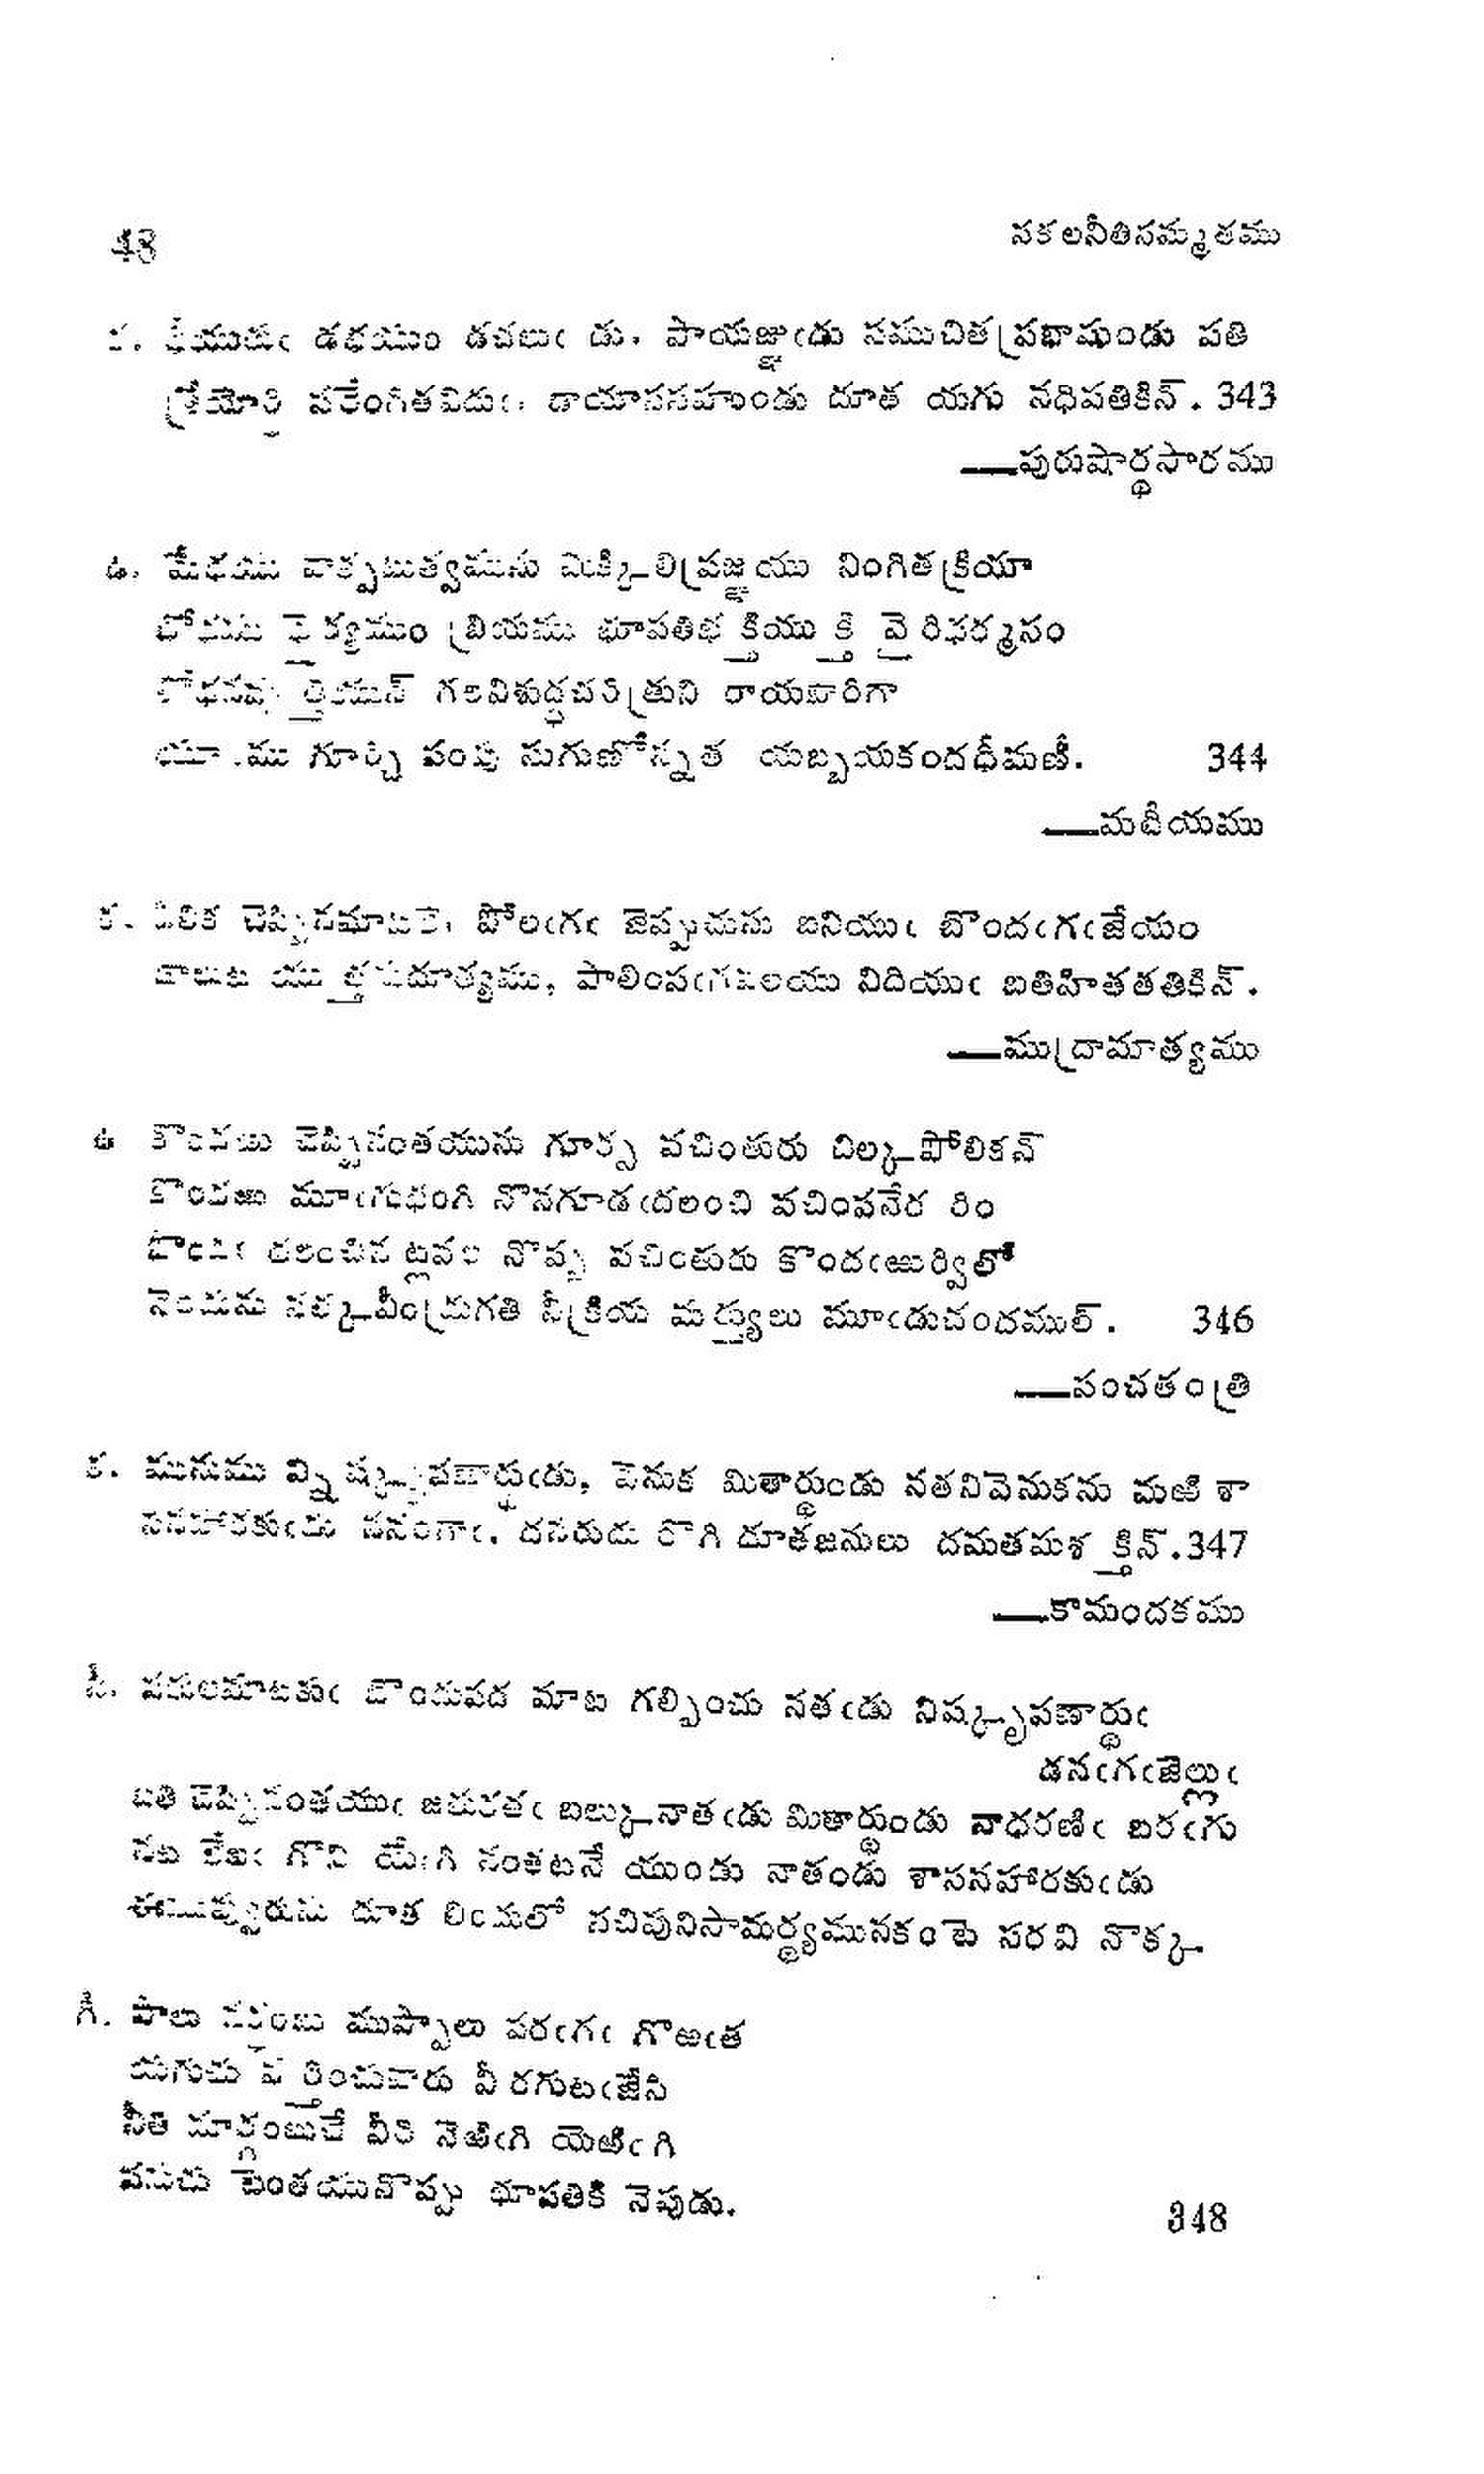క. ధీయుతుఁ డభయుం డచలుఁ డు
పాయజ్ఞుఁడు సముచితప్రభాషుండు పతి
శ్రేయోర్థి పరేంగితవిదుఁ
డాయాససహుండు దూత యగు నధిపతికిన్. 343

ఉ. మేధయు వాక్పటుత్వమును మిక్కిలిప్రజ్ఞయు నింగితక్రియా
బోధము ధైర్యముల బ్రియము భూపతిభక్తియుక్తి వైరిధర్మసం
శోధనవృత్తియున్ గల విశుద్ధచరిత్రుని రాయబారిగా
యూధము గూర్చి పంపు సుగుణోన్నత యబ్బయకందధీమణీ. 344

క. ఏలిక చెప్పిన మాటలె
పోలఁగఁ జెప్పచును నియుఁ బొందఁగఁజేయం
జాలుట యుత్తమదూత్యము
పాలింపఁగవలయు నిదియుఁ బతిహితతతికిన్. 345

ఉ. కొందఱు చెప్పినంతయును గూర్ప వచింతురు చిల్కపోలికన్
కొందఱు మూఁగుభంగి నొనగూడఁదలంచి వచింపనేర రిం
పొందఁ దలంచిన ట్లవల నొప్ప వచింతురు కొంద ఱుర్విలో
నెందును సత్కవీంద్రుగతి నీక్రియ మర్త్యులు మూఁడుచందముల్. 346

క. మునుము న్నిష్కృపణార్థుఁడు
వెనుక మితార్థుండు నతనివెనుకను మఱి శా
ససహారకుఁడు ననంగాఁ
దనరుచు రొగి దూతజనులు దమతమశక్తిన్. 347

సీ. పరులమాటకుఁ బొందుపడ మాట గల్పించు
నతఁడు నిష్కృపణార్థుఁ డనఁగఁ జెల్లుఁ
బతి చెప్పినంతయుఁ జతురతఁ బల్కు నా
తఁడు మితార్థుండు నాధరణిఁబరఁగు
నట లేఖఁ గొని యేఁగి నంతటనే యుండు
నాతండు శాసనహారకుఁడు
ఈమువ్వురును దూత లిందులో సచివుని
సామర్థ్యమునకంటె సరవి నొక్క
గీ. పాలు నర్థంబు ముప్పాలు పరఁగఁ గొఱఁత
యగుచు వర్తించువారు వీ రగుటఁ జేసి
నీతి మార్గంబుచే వీరి నెఱిఁగి యెఱిఁగి
పనుచు టెంతయు నొప్పు భూపతికి నెపుడు. 348